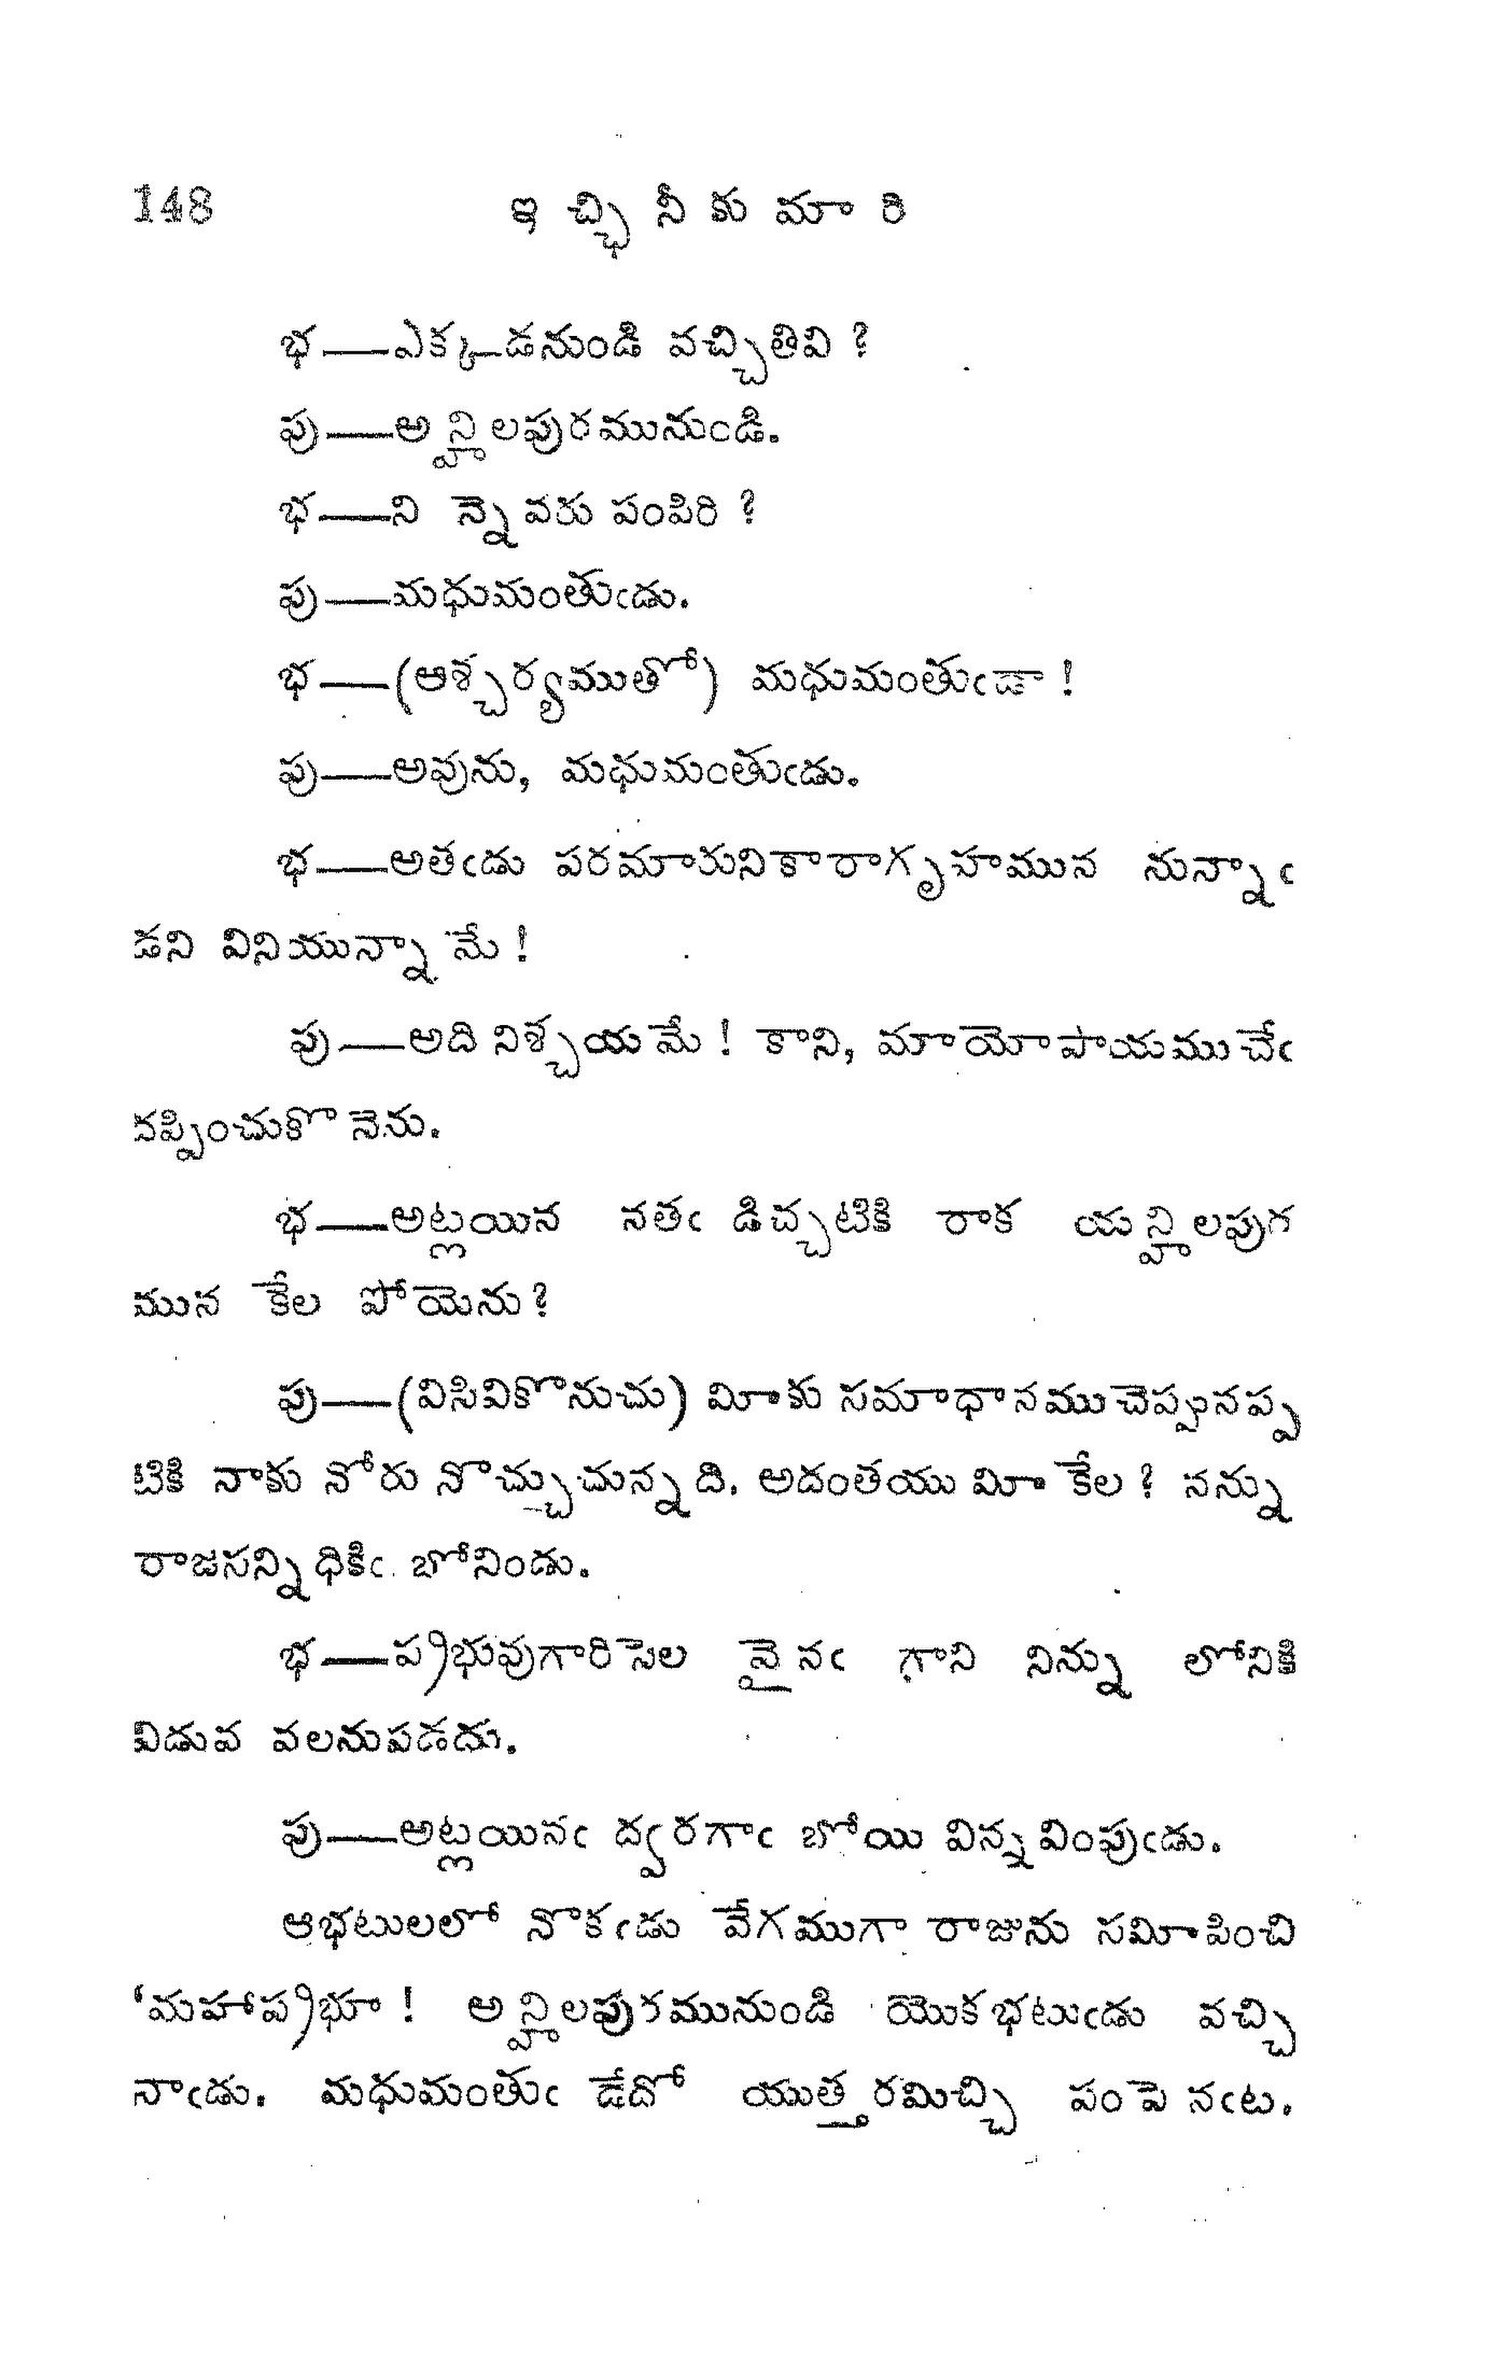భ: — ఎక్కడనుండి వచ్చితివి ?

పు: -అనిహి లపురమునుండి.

భ: -ని న్నె వరు పంపిరి ?

పు: -మధుమంతుఁడు.

భ: -(ఆశ్చర్యముతో) మధుమంతుఁడా !

పు: -అవును, మధుమంతుఁడు

భ: _అతఁడు పరమారునికారాగృహమున నున్నా
డని వినియున్నా మే!

పు : —అది నిశ్చయమే ! కాని, మాయోపాయము చేఁ
దప్పించుకొనెను.

భ: - అట్లయిన నతఁ డిచ్చటికి రాక యనీహిలపురమున కేల పోయెను?

పు: -(విసివికొనుచు) మీకు సమాధానము చెప్పునప్ప
టికి నాకు నోరు నొచ్చుచున్నది. అదంతయు మీ కేల ? 'నన్ను
రాజసన్నిధికిఁ. బోనిండు.

భ: -ప్రభువుగారి సెల వైనఁ గాని నిన్ను లోనికి
విడువ వలనుపడదు.

పు: అట్లయినఁ ద్వరగాఁ బోయి విన్న వింపుఁడు.
ఆభటులలో నొకఁడు వేగముగా రాజును సమీపించి
'మహాప్రభూ ! అనిహలపు రమునుండి ' యొక భటుఁడు వచ్చి
నాఁడు. మధుమంతుఁ డేదో యుత్త రమిచ్చి పంపె నఁట.